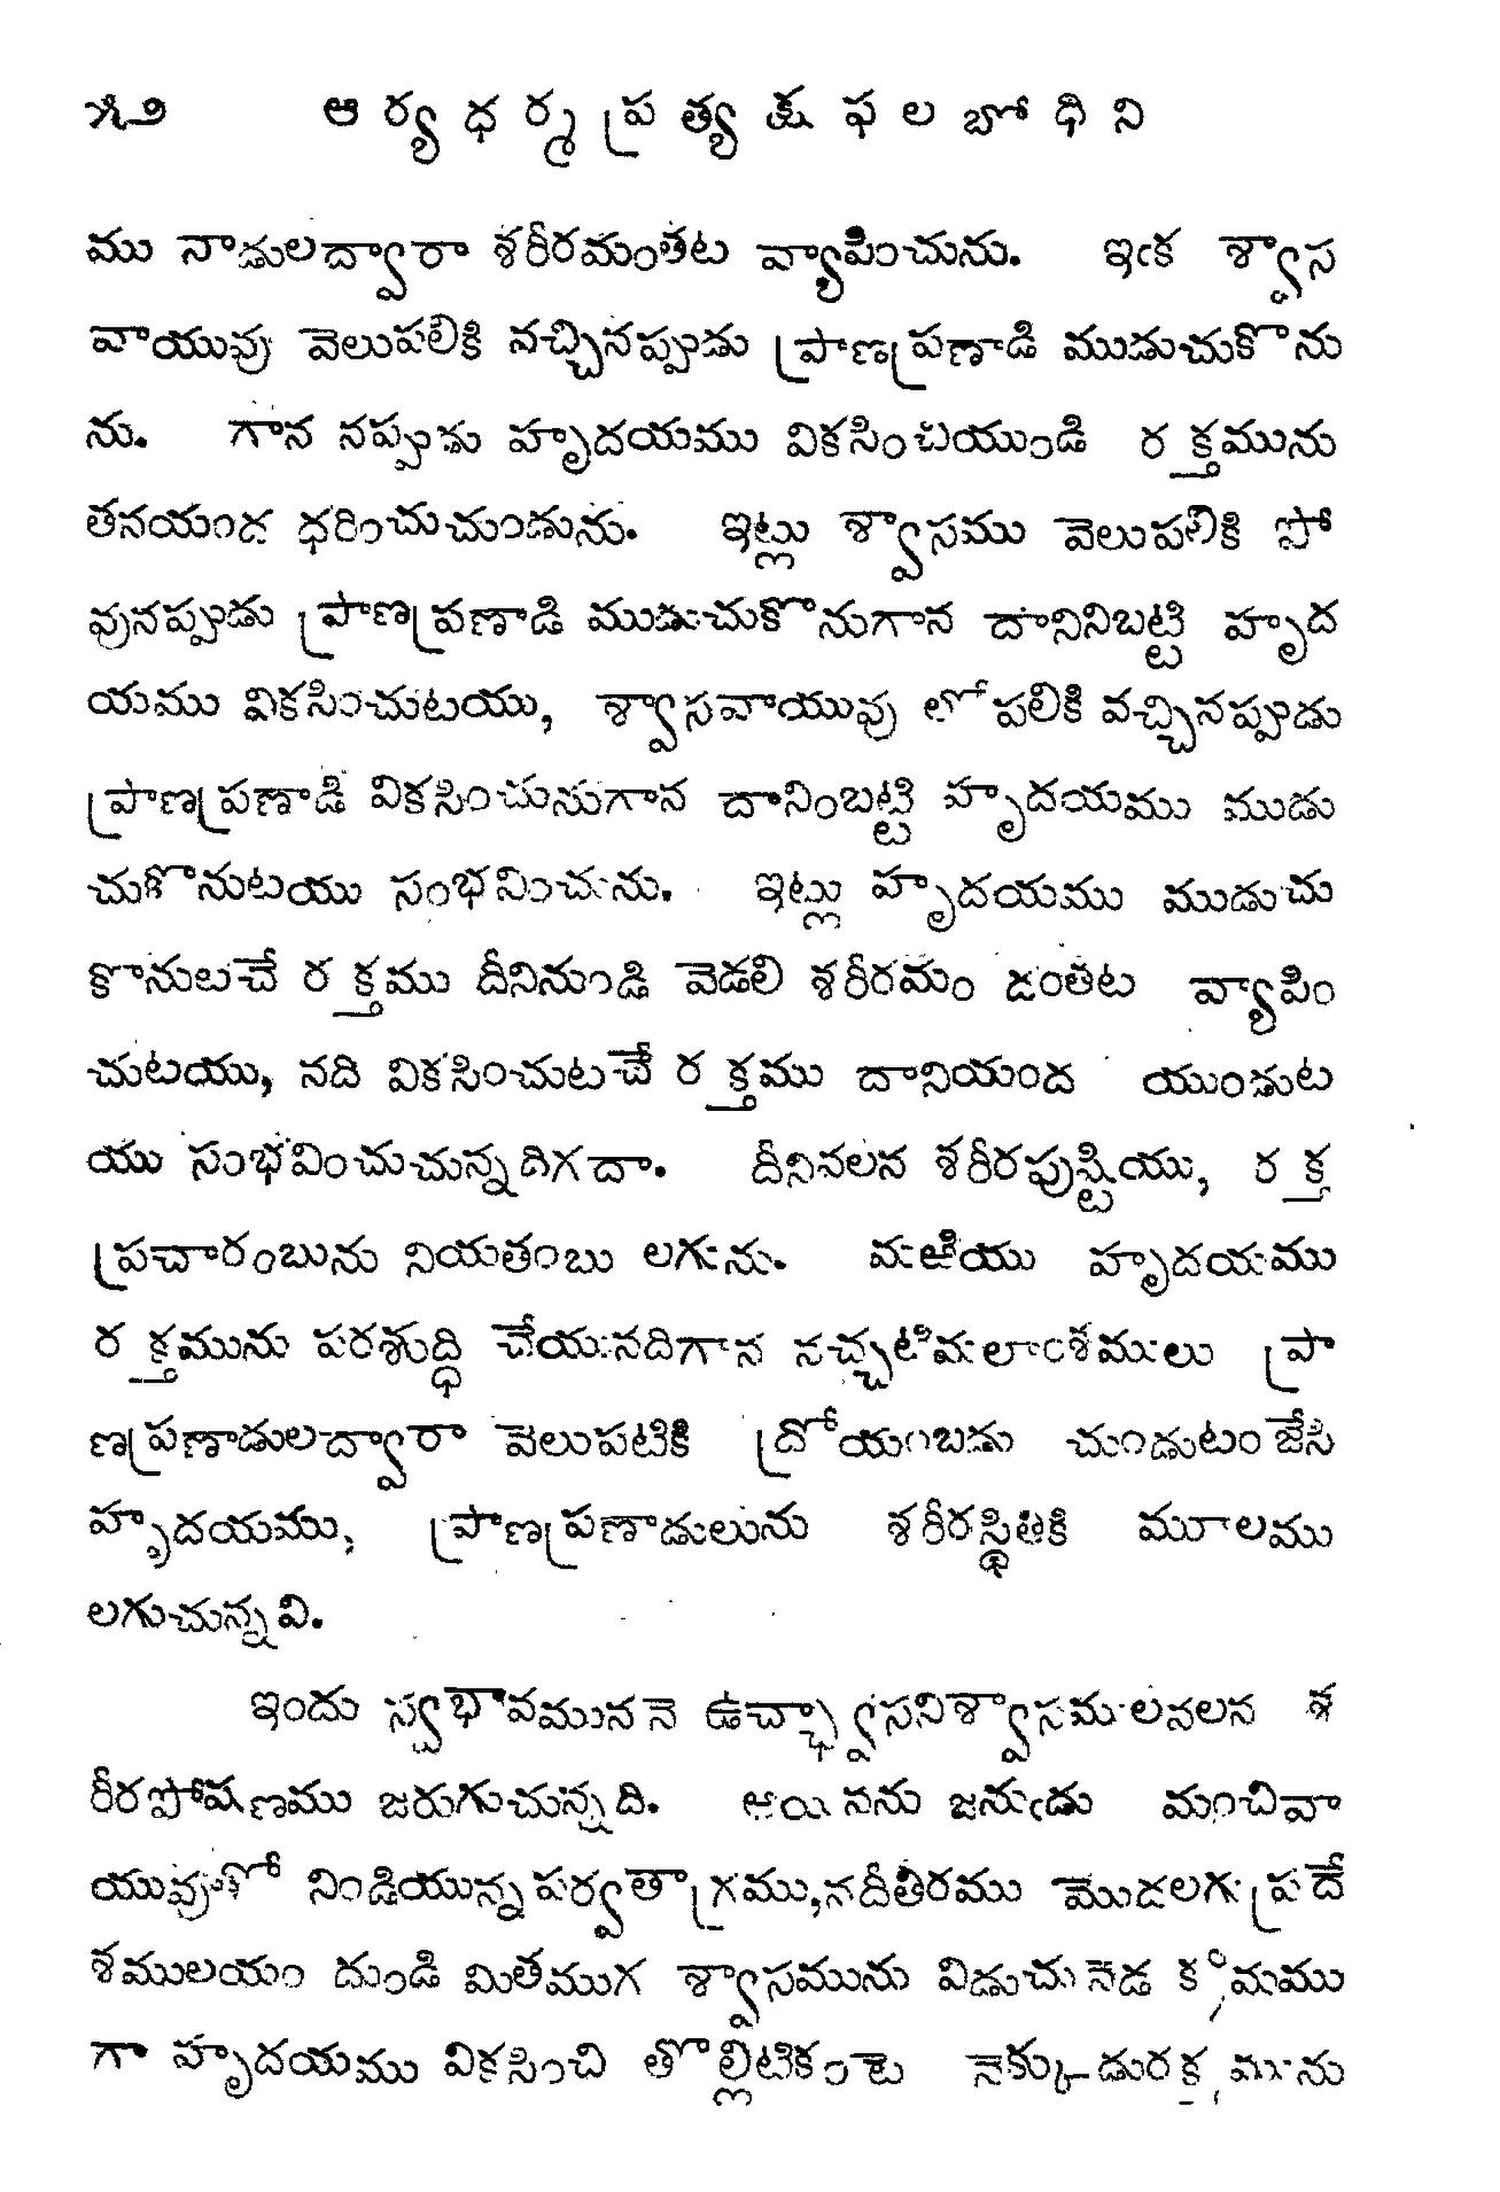ము నాడులద్వారా శరీరమంతట వ్యాపించును. ఇంక శ్వాసవాయువు వెలుపలికి వచ్చినప్పుడు ప్రాణప్రణాడి ముడుచుకొనును. గాన నప్పుడు హృదయము వికసించియుండి రక్తమును తనయంద ధరించుచుండును. ఇట్లు శ్వాసము వెలుపలికి పోవునప్పుడు ప్రాణప్రణాడి ముడుచుకొనుగాన దానినిబట్టి హృదయము వికసించుటయు, శ్వాసవాయువు లోపలికి వచ్చినప్పుడు ప్రాణప్రణాడి వికసించునుగాని దానింబట్టి హృదయము ముడుచుకొనుటయు సంభవించును. ఇట్లు హృదయము ముడుచుకొనుటచే రక్తము దీనినుండి వెడలి శరీరమం దంతట వ్యాపించుటయు, నది వికసించుటచే రక్తము దానియంద యుండుటయు సంభవించుచున్నదిగదా. దీనివలన శరీరపుష్టియు, రక్త ప్రచారంబును నియతంబు లగును. మఱియు హృదయము రక్తమును పరశుద్ధి చేయునదిగాన నచ్చటిమలాంశములు ప్రాణప్రణాడులద్వారా వెలుపటికి ద్రోయంబడు చుండుటంజేసి 
హృదయము, ప్రాణప్రణాడులును శరీరస్థితికి మూలములగుచున్నవి.

ఇందు స్వభావముననె ఉచ్ఛ్వాసనిశ్వాసములవలన శరీరపోషణము జరుగుచున్నది. అయినను జనుఁడు మంచివాయువుతో నిండియున్న పర్వతాగ్రము, నదీతీరము మొదలగు ప్రదేశములయం దుండి మితముగ శ్వాసమును విడుచునెడ క్రమముగా హృదయము వికసించి తొల్లిటికంటె నెక్కుడురక్తమును